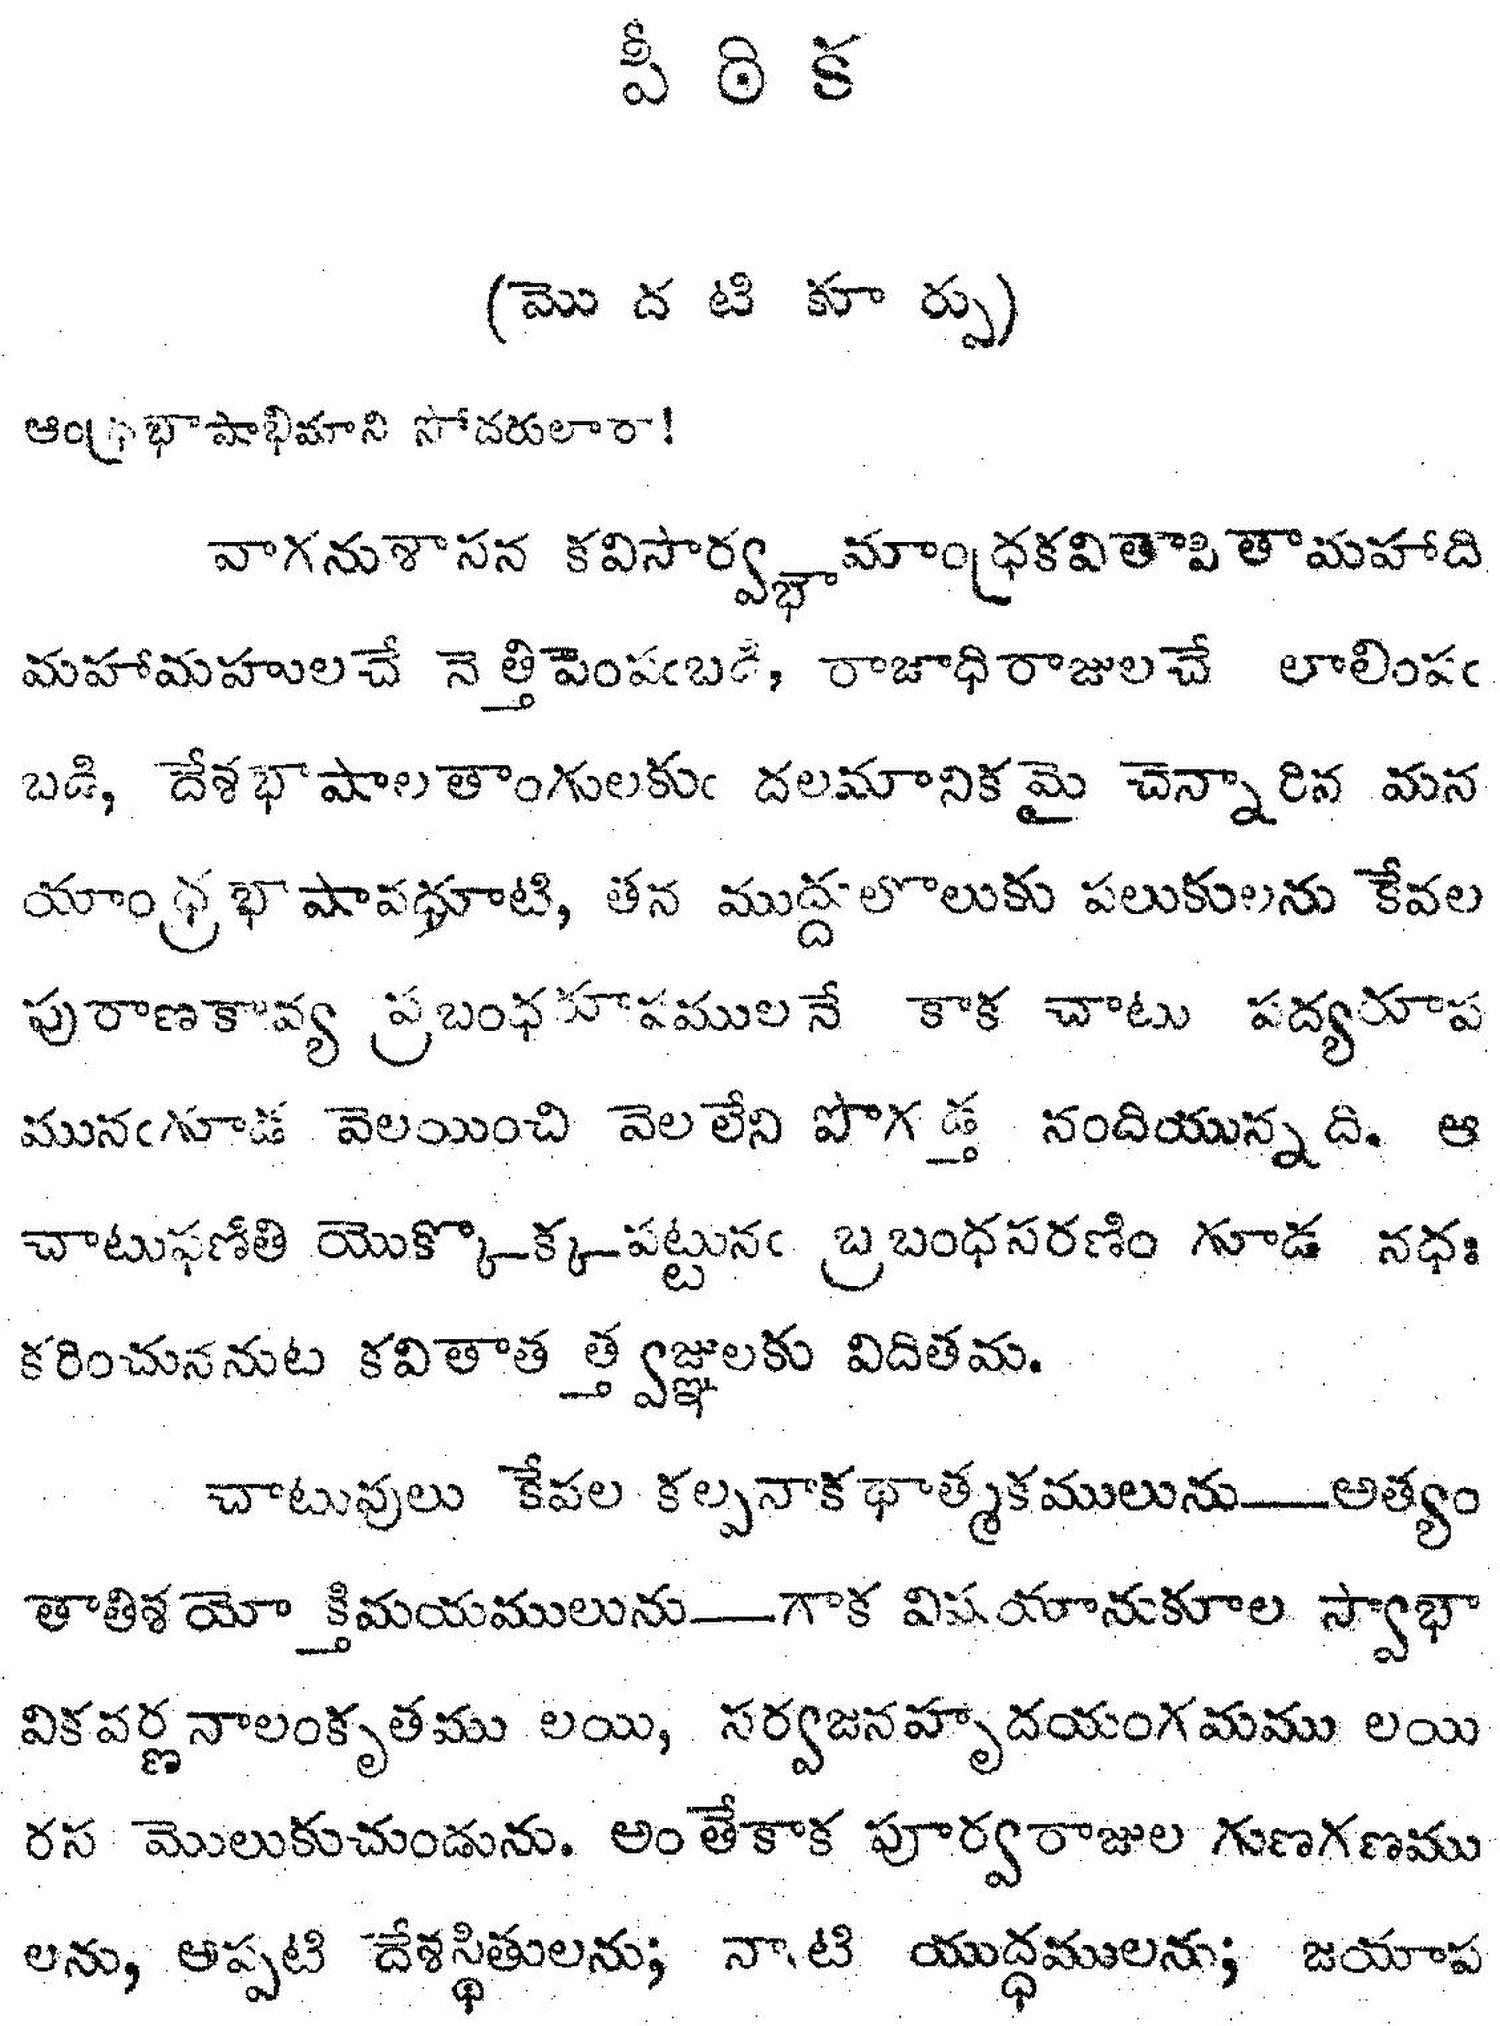పీఠిక

ఆంధ్రభాషాభిమాని సోదరులారా!

వాగనుశాసన కవిసార్వభౌమాంధ్రకవితాపితామహాదిమహామహులచే నెత్తిపెంపఁబడి, రాజాధిరాజులచే లాలింపబడి, దేశభాషాలతాంగులకు దలమానికమై చెన్నారిన మన యాంధ్రభాషాధూటి, తన ముద్దులొలుకుపలుకులను కేవల పురాణకావ్యప్రబంధరూపములనే కాక చాటుపద్యరూపమున గూడ వెలయించి వెలలేని పొగడ్త నందియున్నది. ఆచాటుఫణితి యొక్కొక్కపట్టునఁ బ్రబంధసరణిం గూడ నధఃకరించుననుట కవితాతత్త్వజ్ఞులకు విదితము.

చాటువులు కేవల కల్పనాకథాత్మకములును—అత్యంత్యాశయోక్తిమయములును—గాక విషయానుకూల స్వాభావికవర్ణనాలంకృతము లయి, సర్వజనహృదయంగమము లయి రస మొలుకుచుండును. అంతేకాక పూర్వరాజుల గుణగణములను, అప్పటి దేశస్ధితులను, నాఁటి యుద్దములను; జయాప